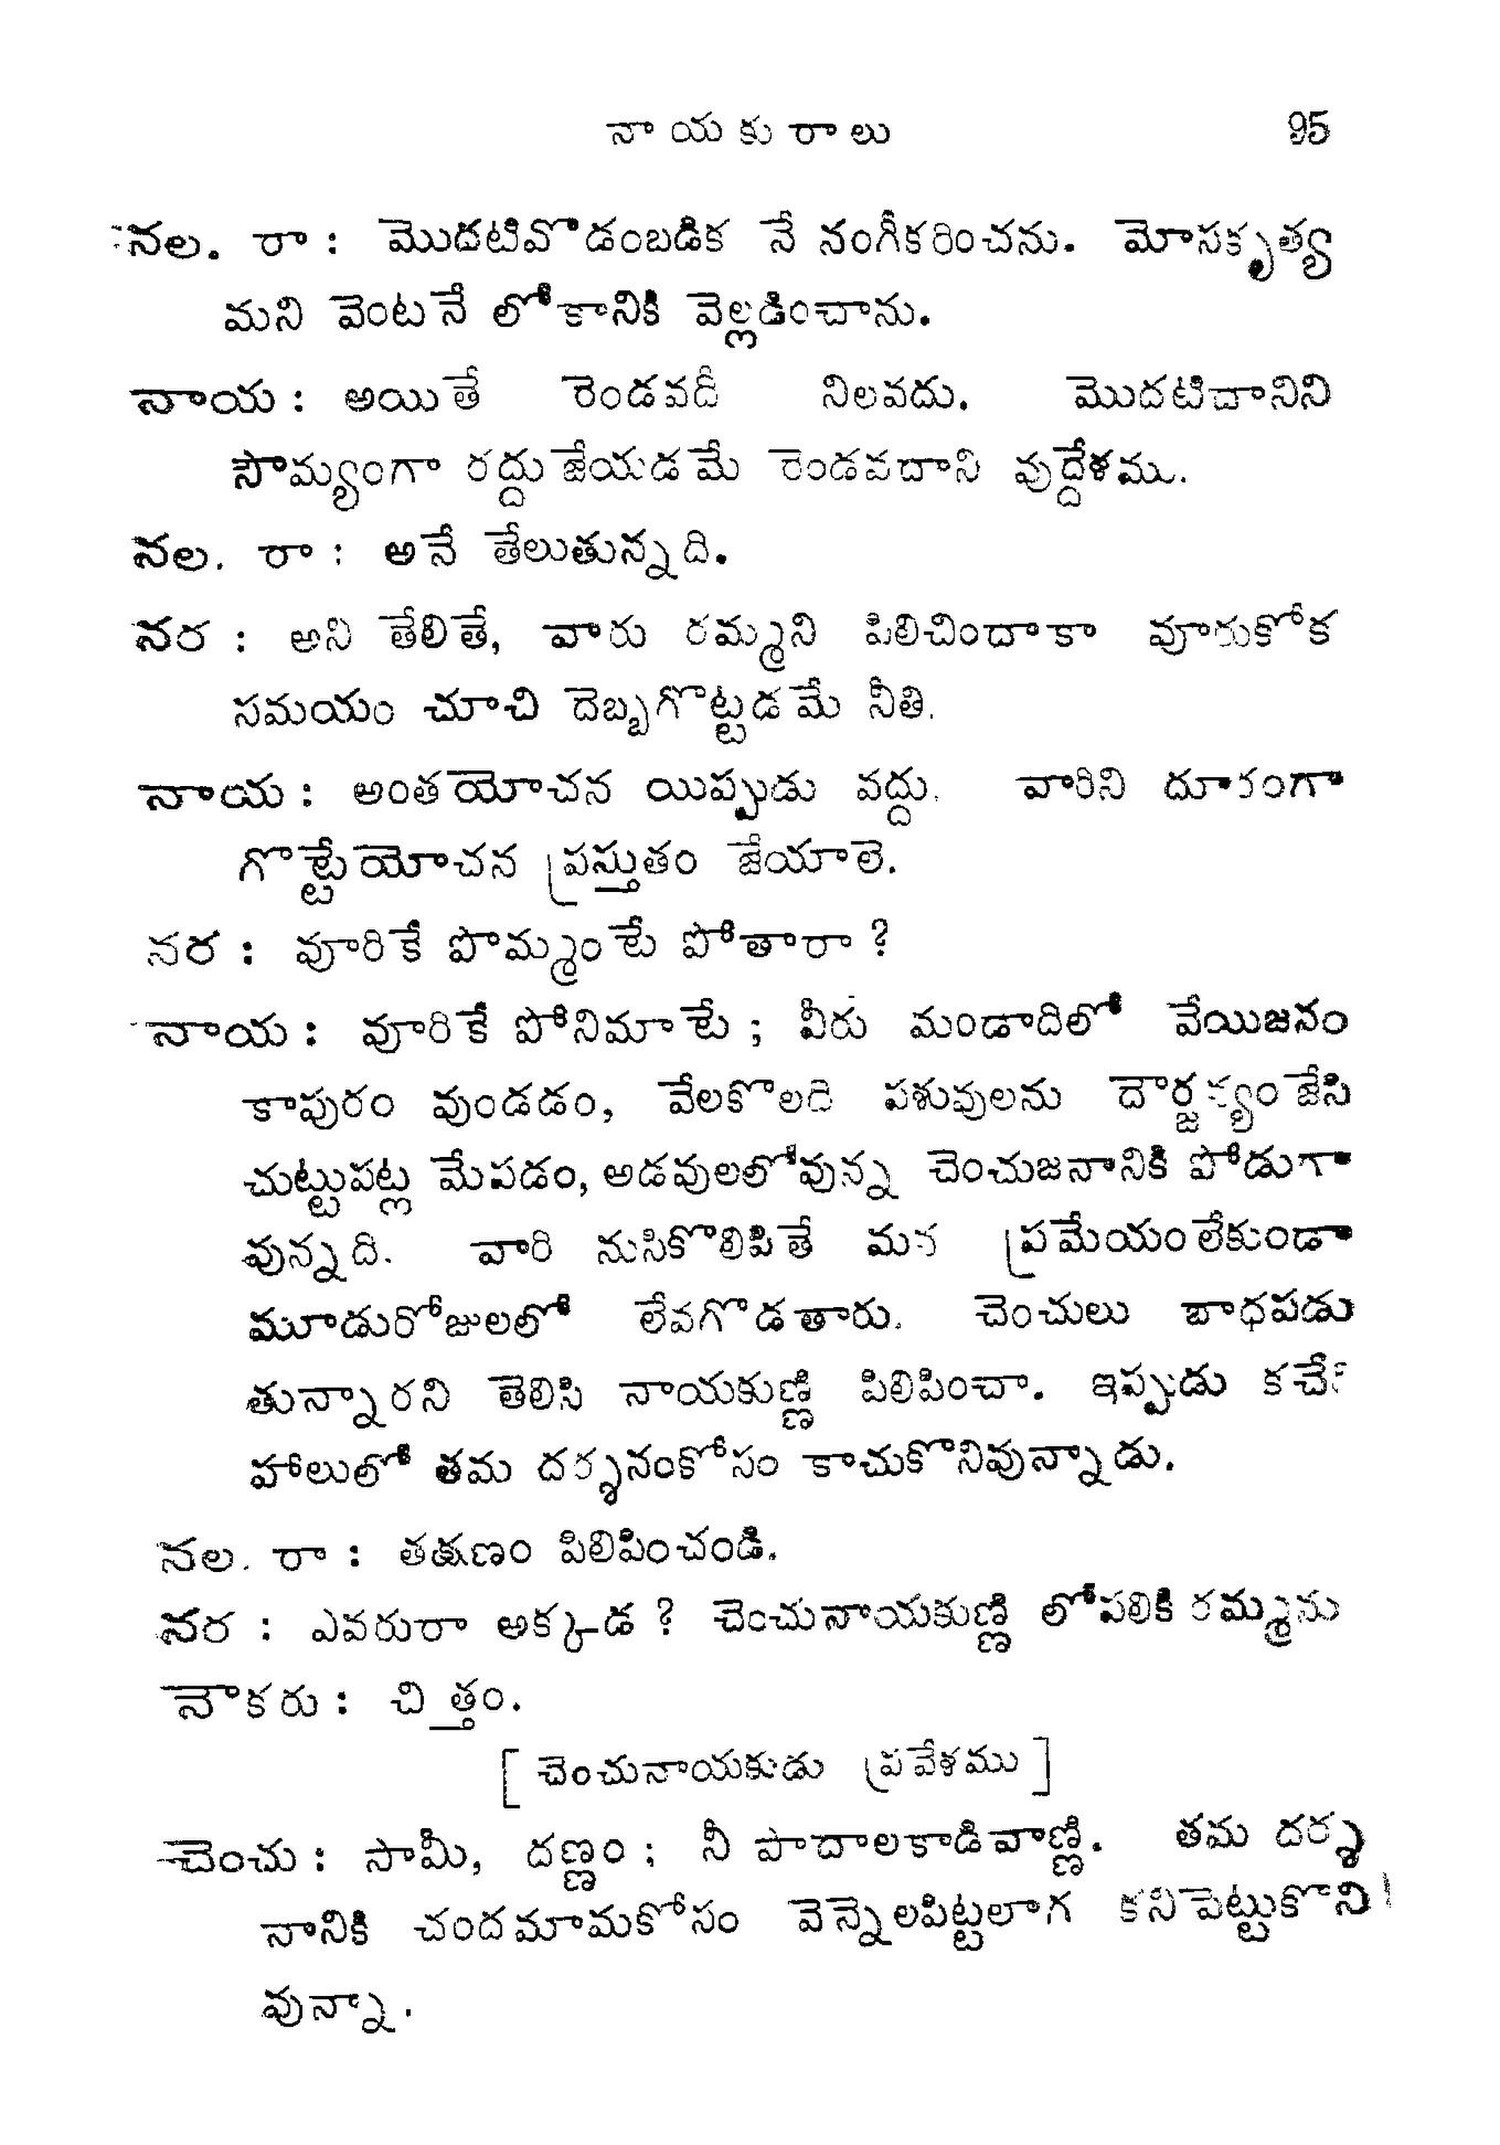నల. రా : మొదటివొడంబడిక నే నంగీకరించను. మోసకృత్యమని వెంటనే లోకానికి వెల్లడించాను.

నాయ : అయితే రెండవదీ నిలవదు. మొదటిదానిని సౌమ్యంగా రద్దుజేయడమే రెండవదాని వుద్దేశము.

నల. రా : అనే తేలుతున్నది.

నర : అని తేలితే, వారు రమ్మని పిలిచిందాకా వూరుకోక సమయం చూచి దెబ్బగొట్టడమే నీతి.

నాయ : అంతయోచన యిప్పుడు వద్దు. వారిని దూరంగా గొట్టేయోచన ప్రస్తుతం జేయాలె.

నర : వూరికే పొమ్మంటే పోతారా ?

నాయ : వూరికే పోనిమాటే ; వీరు మండాదిలో వేయిజనం కాపురం వుండడం, వేలకొలది పశువులను దౌర్జన్యంజేసి చుట్టుపట్ల మేపడం, అడవులలోవున్న చెంచుజనానికి పోడుగా వున్నది. వారి నుసికొలిపితే మన ప్రమేయంలేకుండా మూడురోజులలో లేవగొడతారు. చెంచులు బాధపడుతున్నారని తెలిసి నాయకుణ్ణి పిలిపించా. ఇప్పుడు కచేరి హాలులో తమ దర్శనంకోసం కాచుకొనివున్నాడు.

నల. రా : తక్షణం పిలిపించండి.

నర : ఎవరురా అక్కడ ? చెంచునాయకుణ్ణి లోపలికి రమ్మను

నౌకరు : చిత్తం.

చెంచు : సామీ, దణ్ణం ; నీ పాదాలకాడివాణ్ణి. తమ దర్శనానికి చందమామకోసం వెన్నెలపిట్టలాగ కనిపెట్టుకొని వున్నా.